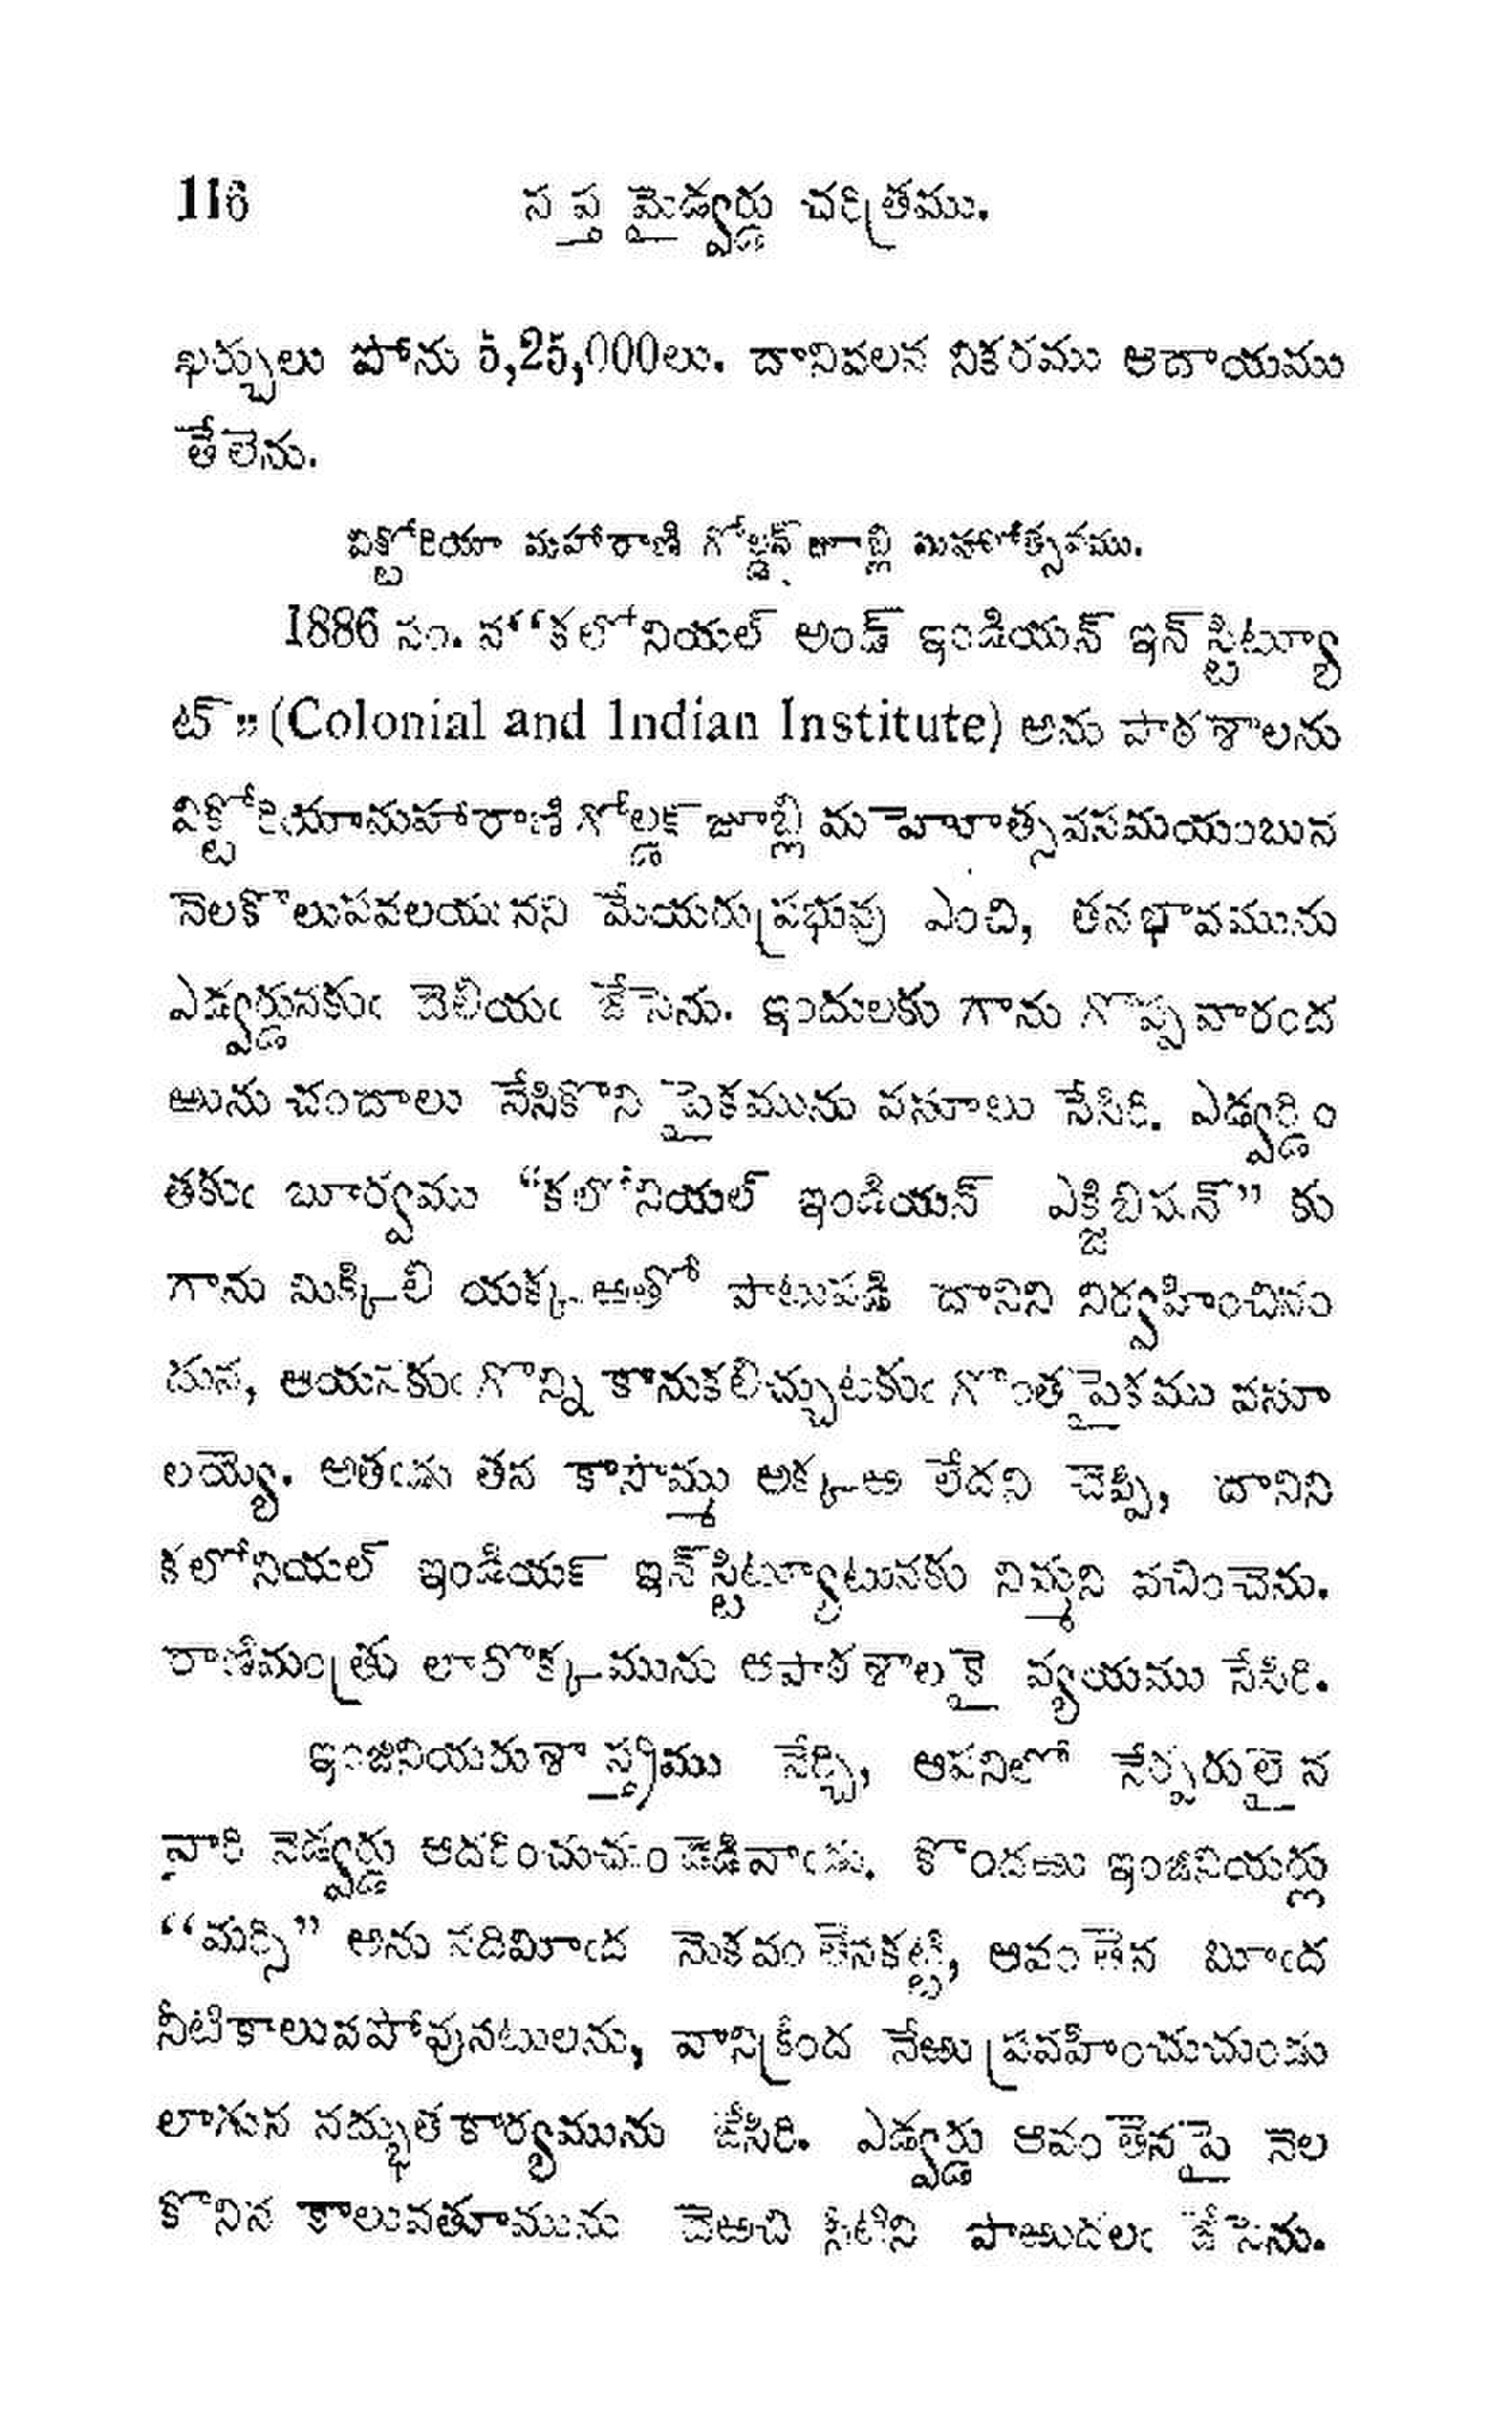ఖర్చులు పోను 525,000 లు. దానివలన నికరము ఆదాయము తేలెను.

విక్టోరియా మహారాణి గోల్డెన్ జూబ్లీ మహోత్సవము

.

1886 సం. న కలోనియల్ అండ్ ఇండియన్ ఇన్ స్టిట్యూ ట్" (Colonial and Indian Institute) అను పాఠశాలను విక్టోరి చూసుహారాణి గోల్డస్ జూబ్లీ మహోత్సవ సమయంబున నెలకొలుపవలయ నని మేయరు ప్రభువు ఎంచి, తన భావమును ఎడ్వర్డునకుఁ దెలియఁ జేసెను. ఇందులకు గాను గొప్ప వారంద రును చందాలు నేసికొని "పైకమును వసూలు చేసిరి. ఎడ్వర్డిం తకుఁ బూర్వము "కలో నియల్ ఇండియన్ ఎక్జిబిషన్ ” కు గాను మిక్కిలి యక్కరతో పాటు, దానిని నిర్వహించినం దున, ఆయనకుఁ గొన్ని కానుకలిచ్చుటకుఁ గొంత పైకము వసూ లయ్యె. అతఁడు తన కాసొమ్ము అక్కర లేదని చెప్పి, 'దానిని కలోనియల్ ఇండియక్ ఇన్ స్టిట్యూటునకు నిమ్మని వచించెను. రాణిమంత్రు లారొక్క మును ఆ పాఠశాల కై వ్యయము సేసిరి.

ఇంజనీయరు శాస్త్రము నేర్చి, ఆపనిలో నేర్పరులైన వారీ నెడ్వర్డు ఆదరించు చుండెడినారు. కొందరు ఇంజీనియర్లు ““ మర్శీ" అను నదిమీఁద ఒక వం తెసకట్టి, అవంతెన మీద నీటి కాలుపపోవునటులను, వాని క్రింద నేలు ప్రవహించుచుండు లాగున నద్భుత కార్యమును జేసిరి. ఎడ్వర్డు ఆవం తెనపై నెల కొనిన కాలువ తూమును దెఱచి నీటిని పారుదల జేసెను.